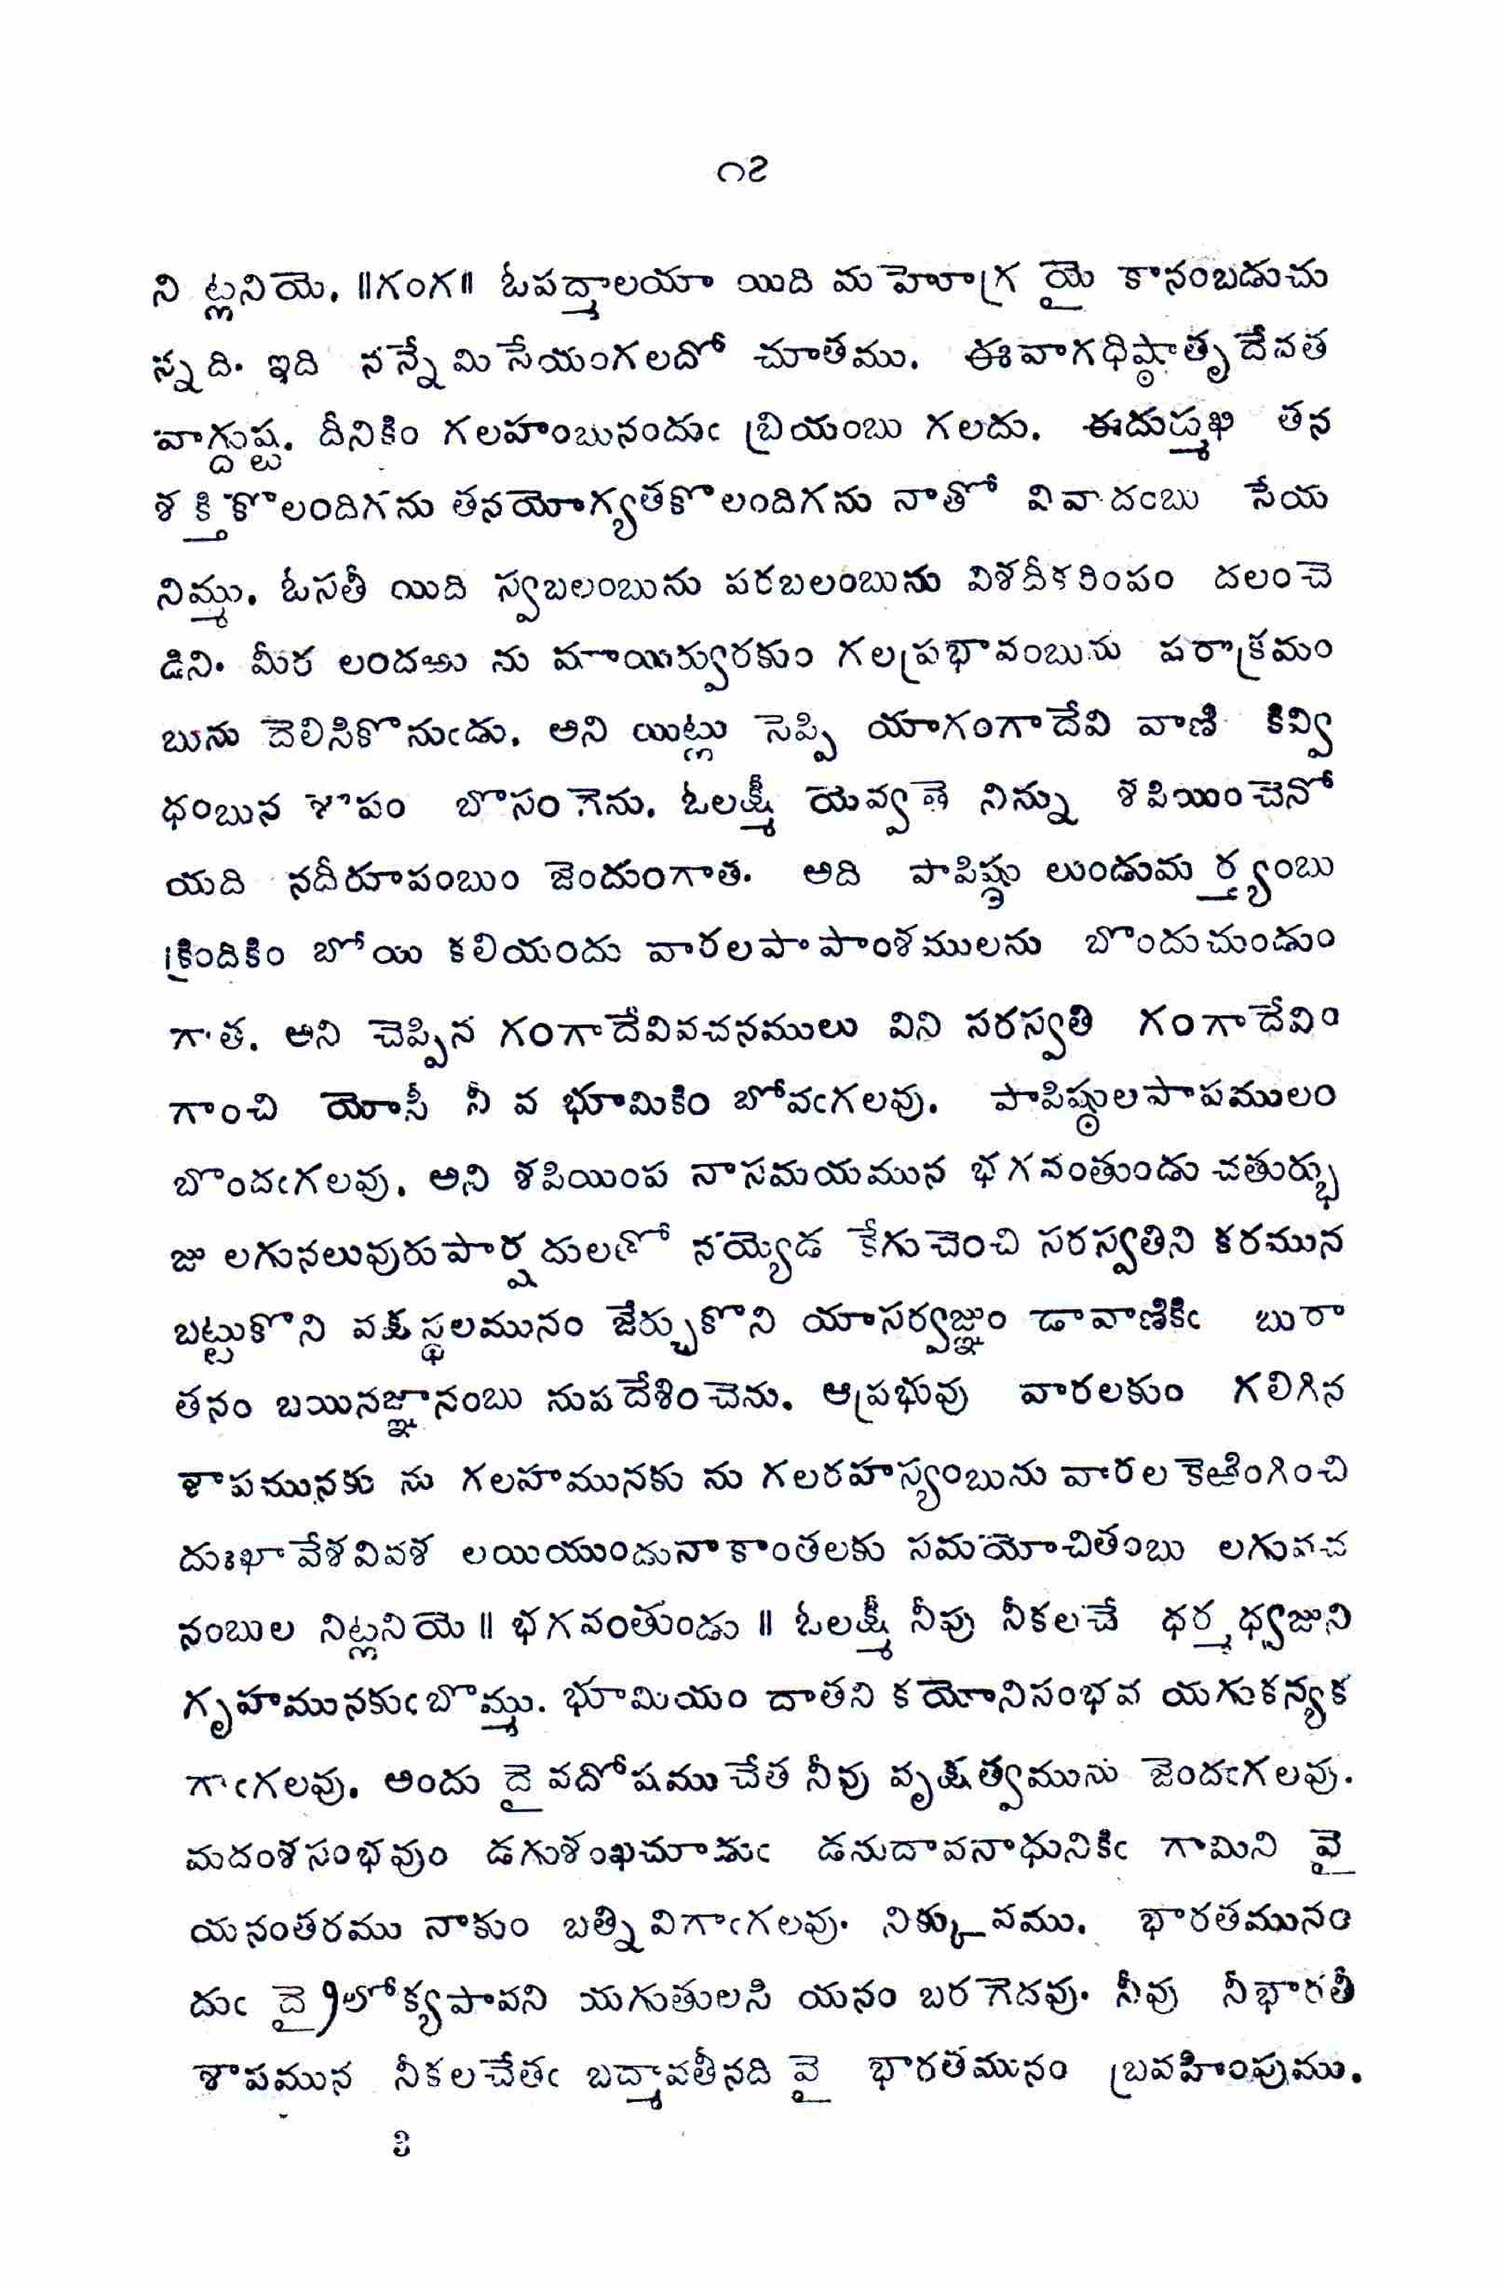ని ట్లనియె. ॥గంగ॥ ఓపద్మాలయా యిది మహూగ్ర యై కానంబడుచున్నది. ఇది నన్నేమి సేయంగలదో చూతము. ఈవాగధిష్ఠాతృదేవత వాగ్దుష్ట. దీనికిం గలహంబునందుఁ బ్రియంబు గలదు. ఈదుర్ముఖి తన శక్తికొలందిగను తన యోగ్యతకొలందిగను నాతో వివాదంబు సేయనిమ్ము. ఓసతీ యిది స్వబలంబును పరబలంబును విశదీకరింపం దలంచెడిని. మీర లందఱు ను మాయిర్వురకుం గలప్రభావంబును పరాక్రమంబును దెలిసికొనుఁడు. అని యిట్లు సెప్పి యాగంగాదేవి వాణి కివ్విధంబున శాపం బొసంగెను. ఓలక్ష్మీ యెవ్వతె నిన్ను శపియించెనో యది - నదీరూపంబుం జెందుంగాత. అది పాపిష్ణు లుండుమర్త్యంబు క్రిందికిం బోయి కలియందు వారలపాపాంశములను బొందుచుండుంగాత. అని చెప్పిన గంగాదేవివచనములు విని సరస్వతి గంగాదేవిం గాంచి యోసీ నీ వ భూమికిం బోవఁగలవు. పాపిష్ఠుల పాపములం బొందఁగలవు. అని శపియింప నాసమయమున భగవంతుండు చతుర్భుజు లగునలువురుపార్షదులలో నయ్యెడ కేగుచెంచి సరస్వతిని కరమున బట్టుకొని పకస్థలమునం జేర్చుకొని యాసర్వజ్ఞుం డావాణికి బురాతనం బయినజ్ఞానంబు నుపదేశించెను. ఆప్రభువు వారలకుం గలిగిన శాపమునకు ను గలహమునకు ను గలరహస్యంబును వారలకెఱింగించి దుఃఖావేశవివశ లయియుండునాకాంతలకు సమయోచితంబు లగువచనంబుల నిట్లనియె. ॥భగవంతుండు॥ ఓలక్ష్మీ నీవు నీకలచే ధర్మధ్వజుని గృహమునకుఁ బొమ్ము. భూమియం దాతని కయోనిసంభవ యగుకన్యక గాఁగలవు. అందు దైవదోషముచేత నీవు వృక్షత్వమును జెందఁగలవు. మదంశసంభవుం డగుశంఖచూడుఁ డనుదావనాధునికిఁ గామిని వై యనంతరము నాకుం బత్నివిగాఁగలవు. నిక్కువము. భారతమునందుఁ ద్రైలోక్యపావని యగుతులసి యనం బరగెదవు. నీవు నీభారతీ
శాపమున నీకలచేతఁ బద్మావతీనది వై భారతమునం బ్రవహింపుము.